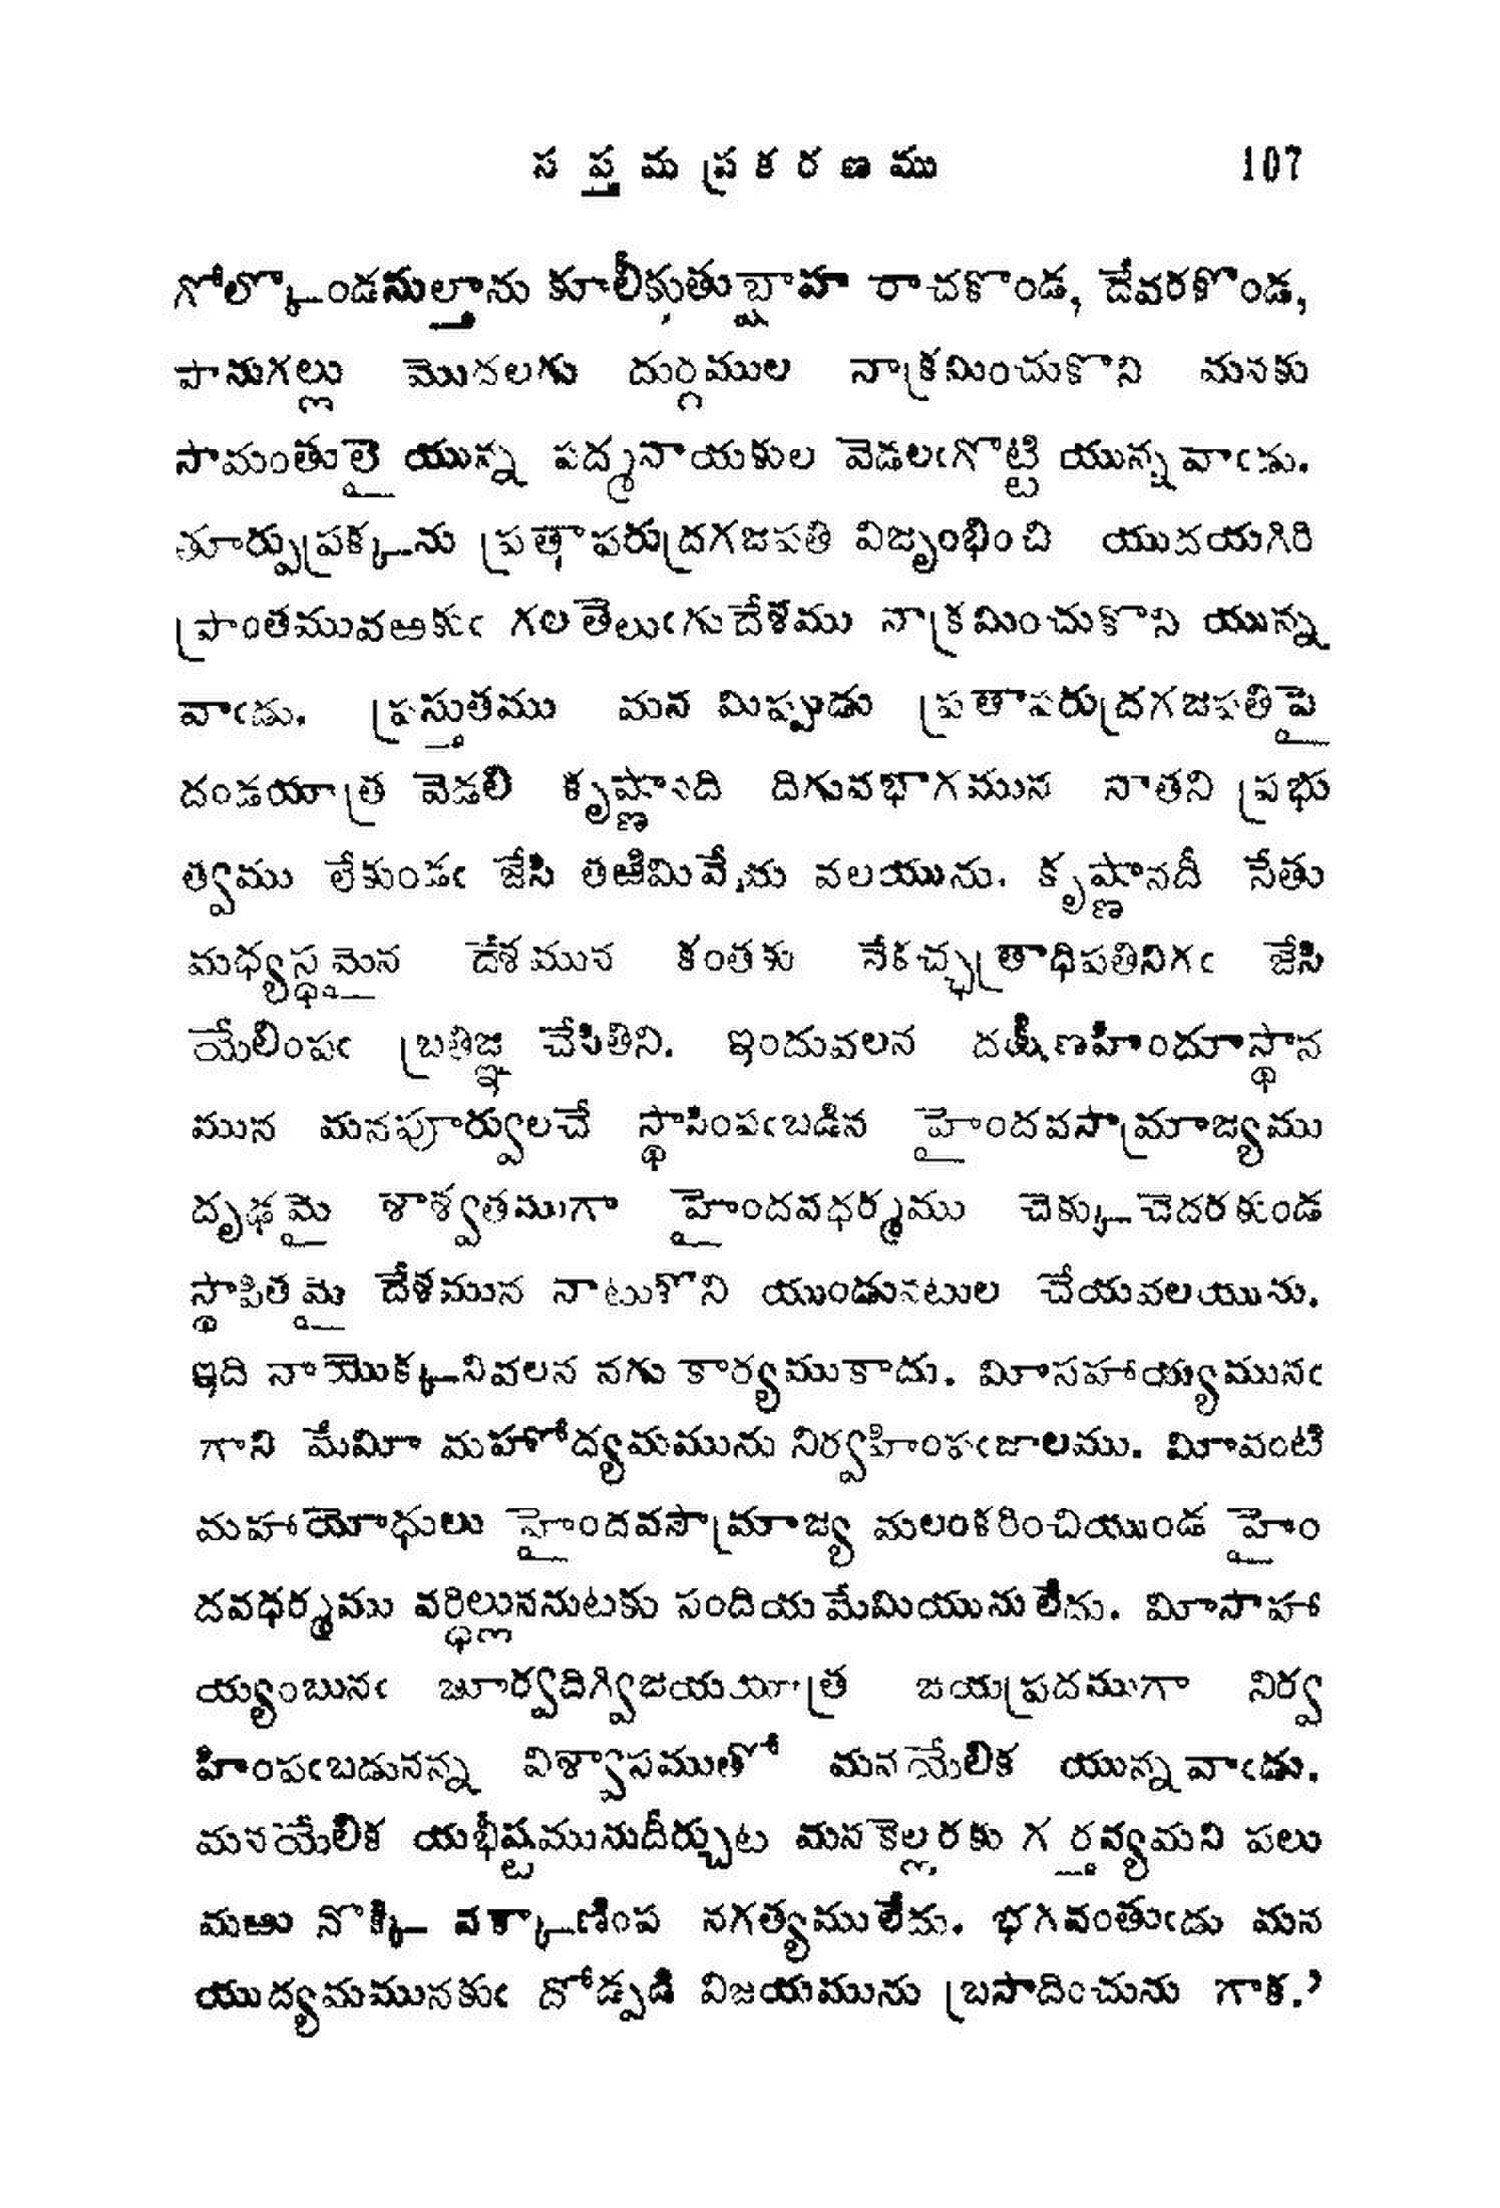గోల్కొండసుల్తాను కూలీకుతుబ్షాహ రాచకొండ, దేవరకొండ, పానుగల్లు మొదలగు దుర్గముల నాక్రమించుకొని మనకు సామంతులై యున్న పద్మనాయకుల వెడలఁగొట్టి యున్నవాఁడు. తూర్పుప్రక్కను ప్రతాపరుద్రగజపతి విజృంభించి యుదయగిరి ప్రాంతమువఱకుఁ గలతెలుఁగుదేశము నాక్రమించుకొని యున్నవాఁడు. ప్రస్తుతము మన మిప్పుడు ప్రతాపరుద్రగజపతిపై దండయాత్ర వెడలి కృష్ణానది దిగువభాగమున నాతని ప్రభుత్వము లేకుండఁ జేసి తఱిమివేయ వలయును. కృష్ణానదీ సేతు మధ్యస్థమైన దేశమున కంతకు నేకచ్ఛత్రాధిపతినిగఁ జేసి యేలింపఁ బ్రతిజ్ఞ చేసితిని. ఇందువలన దక్షిణహిందూస్థానమున మనపూర్వులచే స్థాపింపఁబడిన హైందవసామ్రాజ్యము దృఢమై శాశ్వతముగా హైందవధర్మము చెక్కుచెదరకుండ స్థాపితమై దేశమున నాటుకొని యుండునటుల చేయవలయును. ఇది నాయొక్కనివలన నగు కార్యముకాదు. మీసహాయ్వమునఁ గాని మేమీ మహోద్యమమును నిర్వహింపఁజాలము. మీవంటి మహాయోధులు హైందవసామ్రాజ్య మలంకరించియుండ హైందవధర్మము వర్ధిల్లుననుటకు సందియమేమియునులేదు. మీసాహాయ్యంబునఁ బూర్వదిగ్విజయయాత్ర జయప్రదముగా నిర్వహింపఁబడునన్న విశ్వాసముతో మనయేలిక యున్నవాఁడు. మనయేలిక యభీష్టమునుదీర్చుట మనకెల్లరకు గర్తవ్వమని పలుమఱు నొక్కి వక్కాణింప నగత్యములేదు. భగవంతుఁడు మన యుద్యమమునకుఁ దోడ్పడి విజయమును బ్రసాదించును గాక."